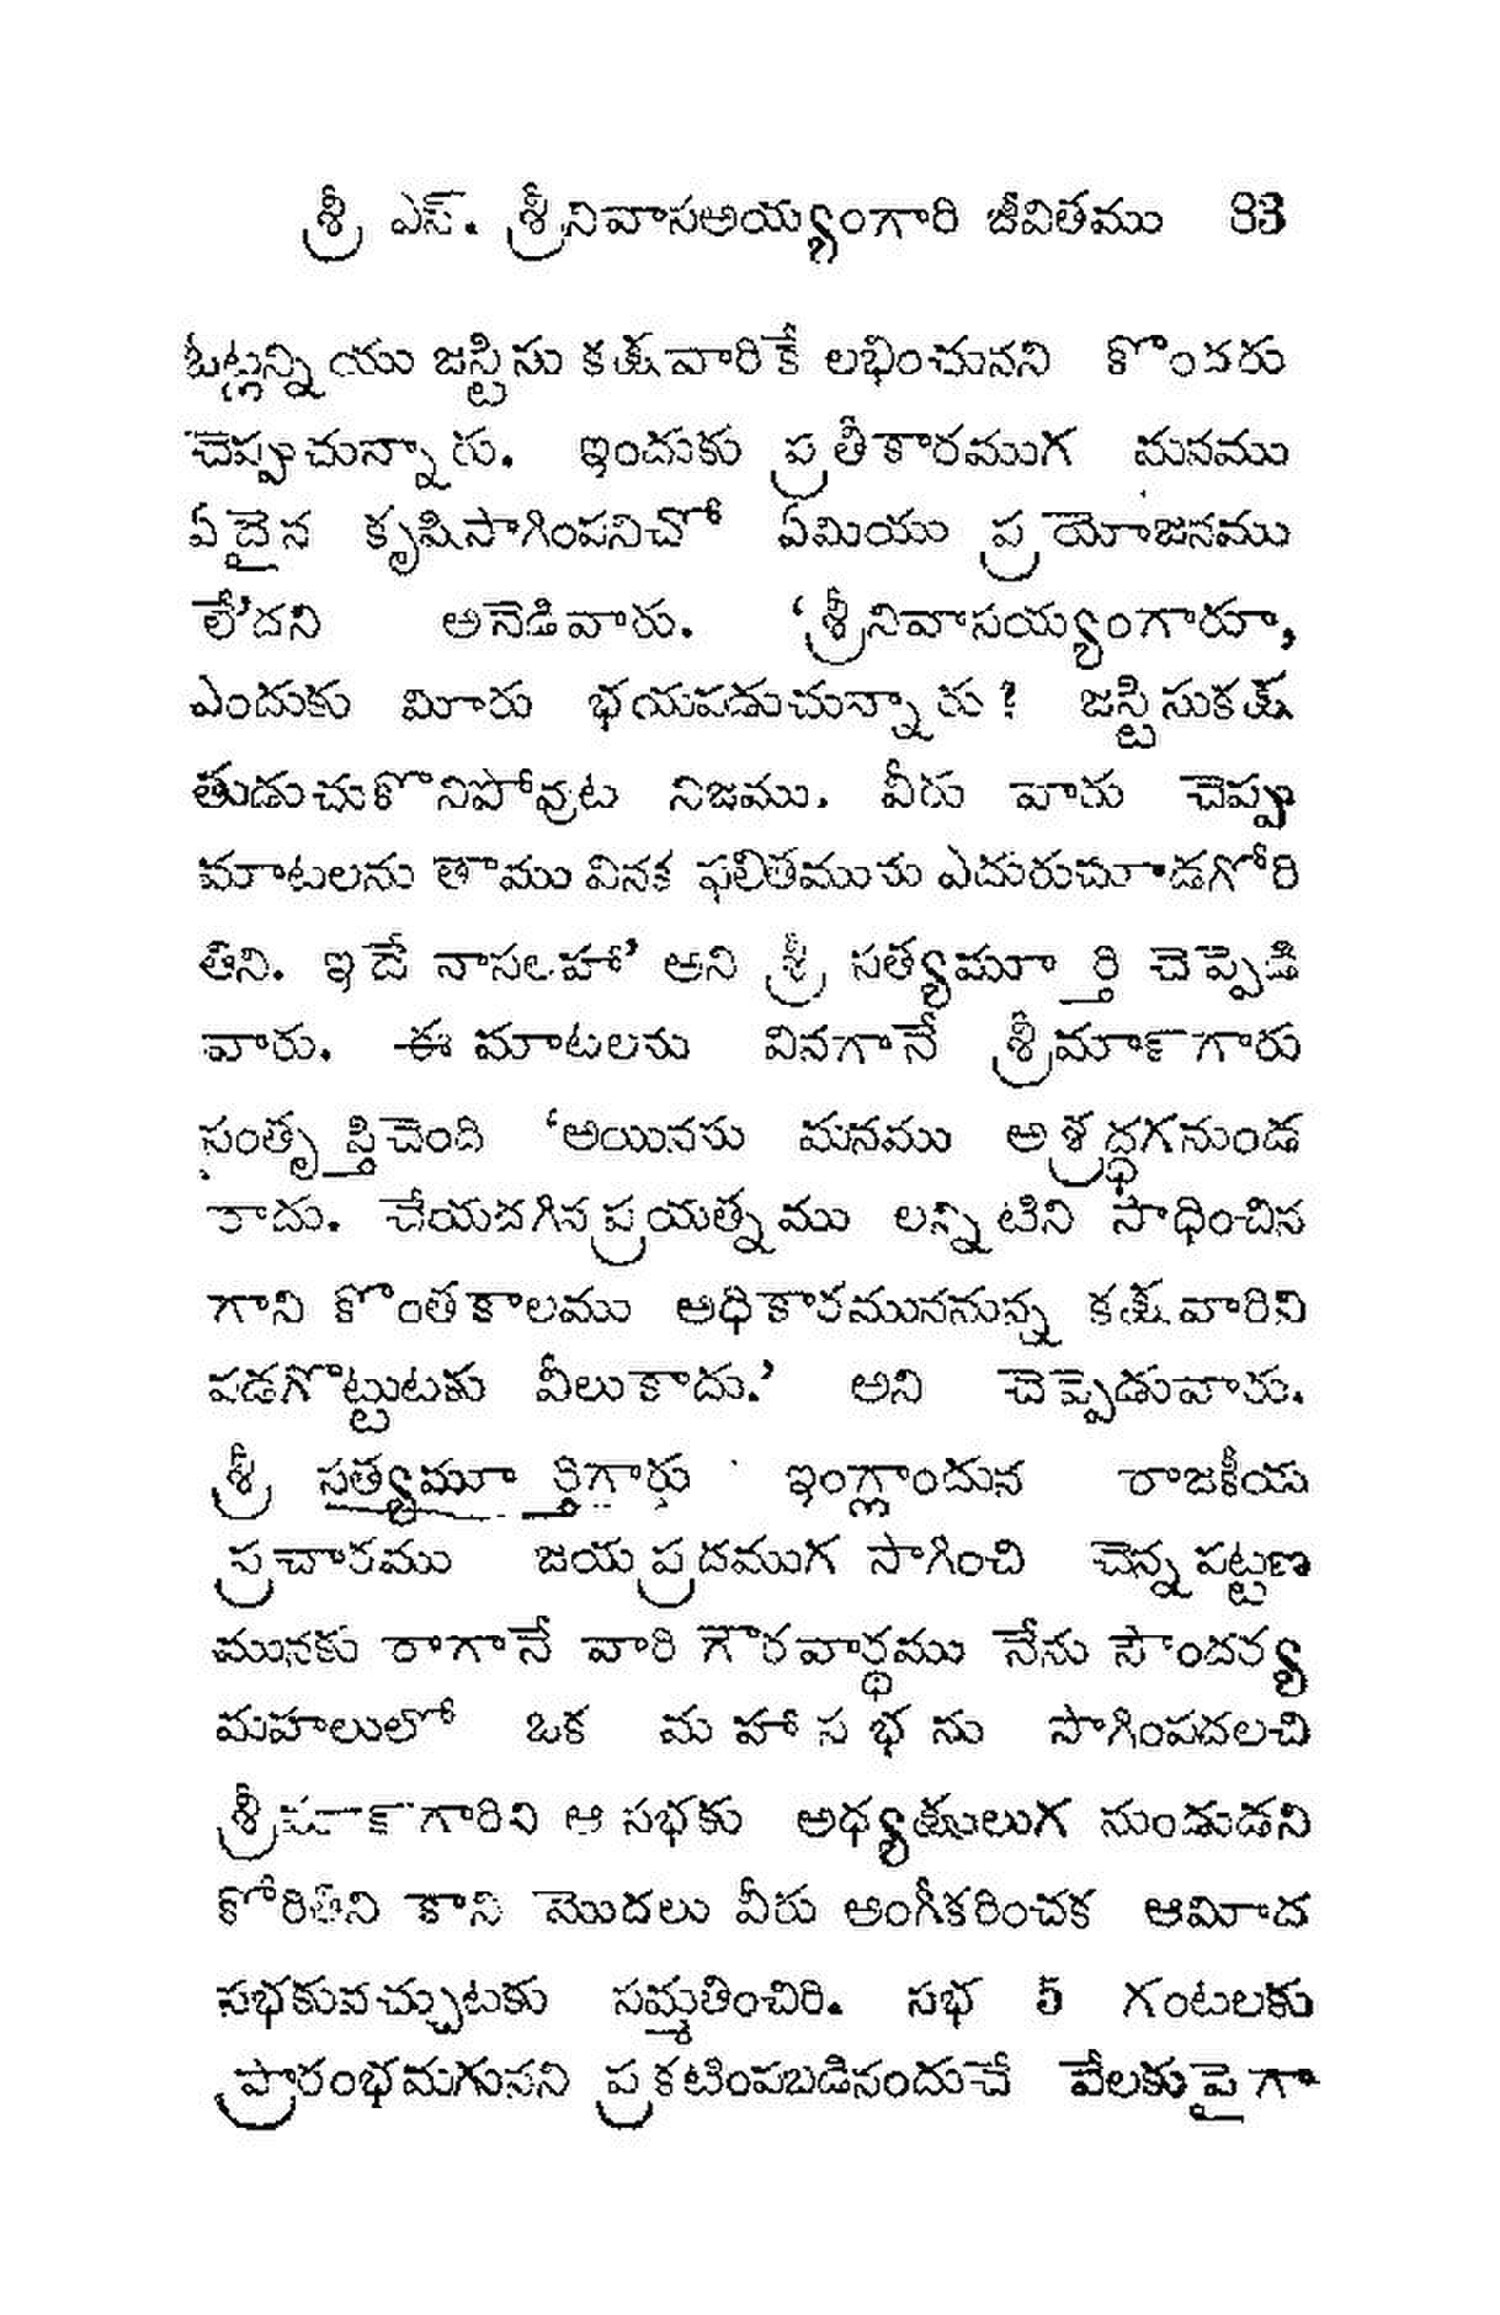ఓట్లన్నియు జస్టిసు కక్షవారికే లభించునని కొందరు చెప్పుచున్నారు. ఇందుకు ప్రతీకారముగ మనము ఏదైన కృషిసాగింపనిచో ఏమియు ప్రయోజనము లే'దని అనెడివారు. 'శ్రీనివాసయ్యంగారూ, ఎందుకు మీరు భయపడుచున్నారు? జస్టిసుకక్ష తుడుచుకొనిపోవుట నిజము, వీరు వారు చెప్పుమాటలను తామువినక ఫలితమును ఎదురుచూడగోరితిని. ఇదే నాసలహా' అని శ్రీ సత్యమూర్తి చెప్పెడివారు. ఈమాటలను వినగానే శ్రీమా౯గారు సంతృప్తిచెంది. 'అయినను మనము అశ్రద్ధగనుండరాదు. చేయదగినప్రయత్నము లన్నిటిని సాధించినగాని కొంతకాలము అధికారముననున్న కక్షవారిని పడగొట్టుటకు వీలుకాదు.' అని చెప్పెడువారు. శ్రీ సత్యమూర్తిగారు ఇంగ్లాండున రాజకీయ ప్రచారము జయప్రదముగ సాగించి చెన్నపట్టణమునకు రాగానే వారి గౌరవార్థము నేను సౌందర్య మహలులో ఒక మహాసభను సాగింపదలచి శ్రీమా౯గారిని ఆ సభకు అధ్యక్షులుగ నుండుడని కోరితిని కాని మొదలు వీరు అంగీకరించక ఆమీద సభకువచ్చుటకు సమ్మతించిరి. సభ 5 గంటలకు ప్రారంభమగునని ప్రకటింపబడినందుచే వేలకుపైగా
-